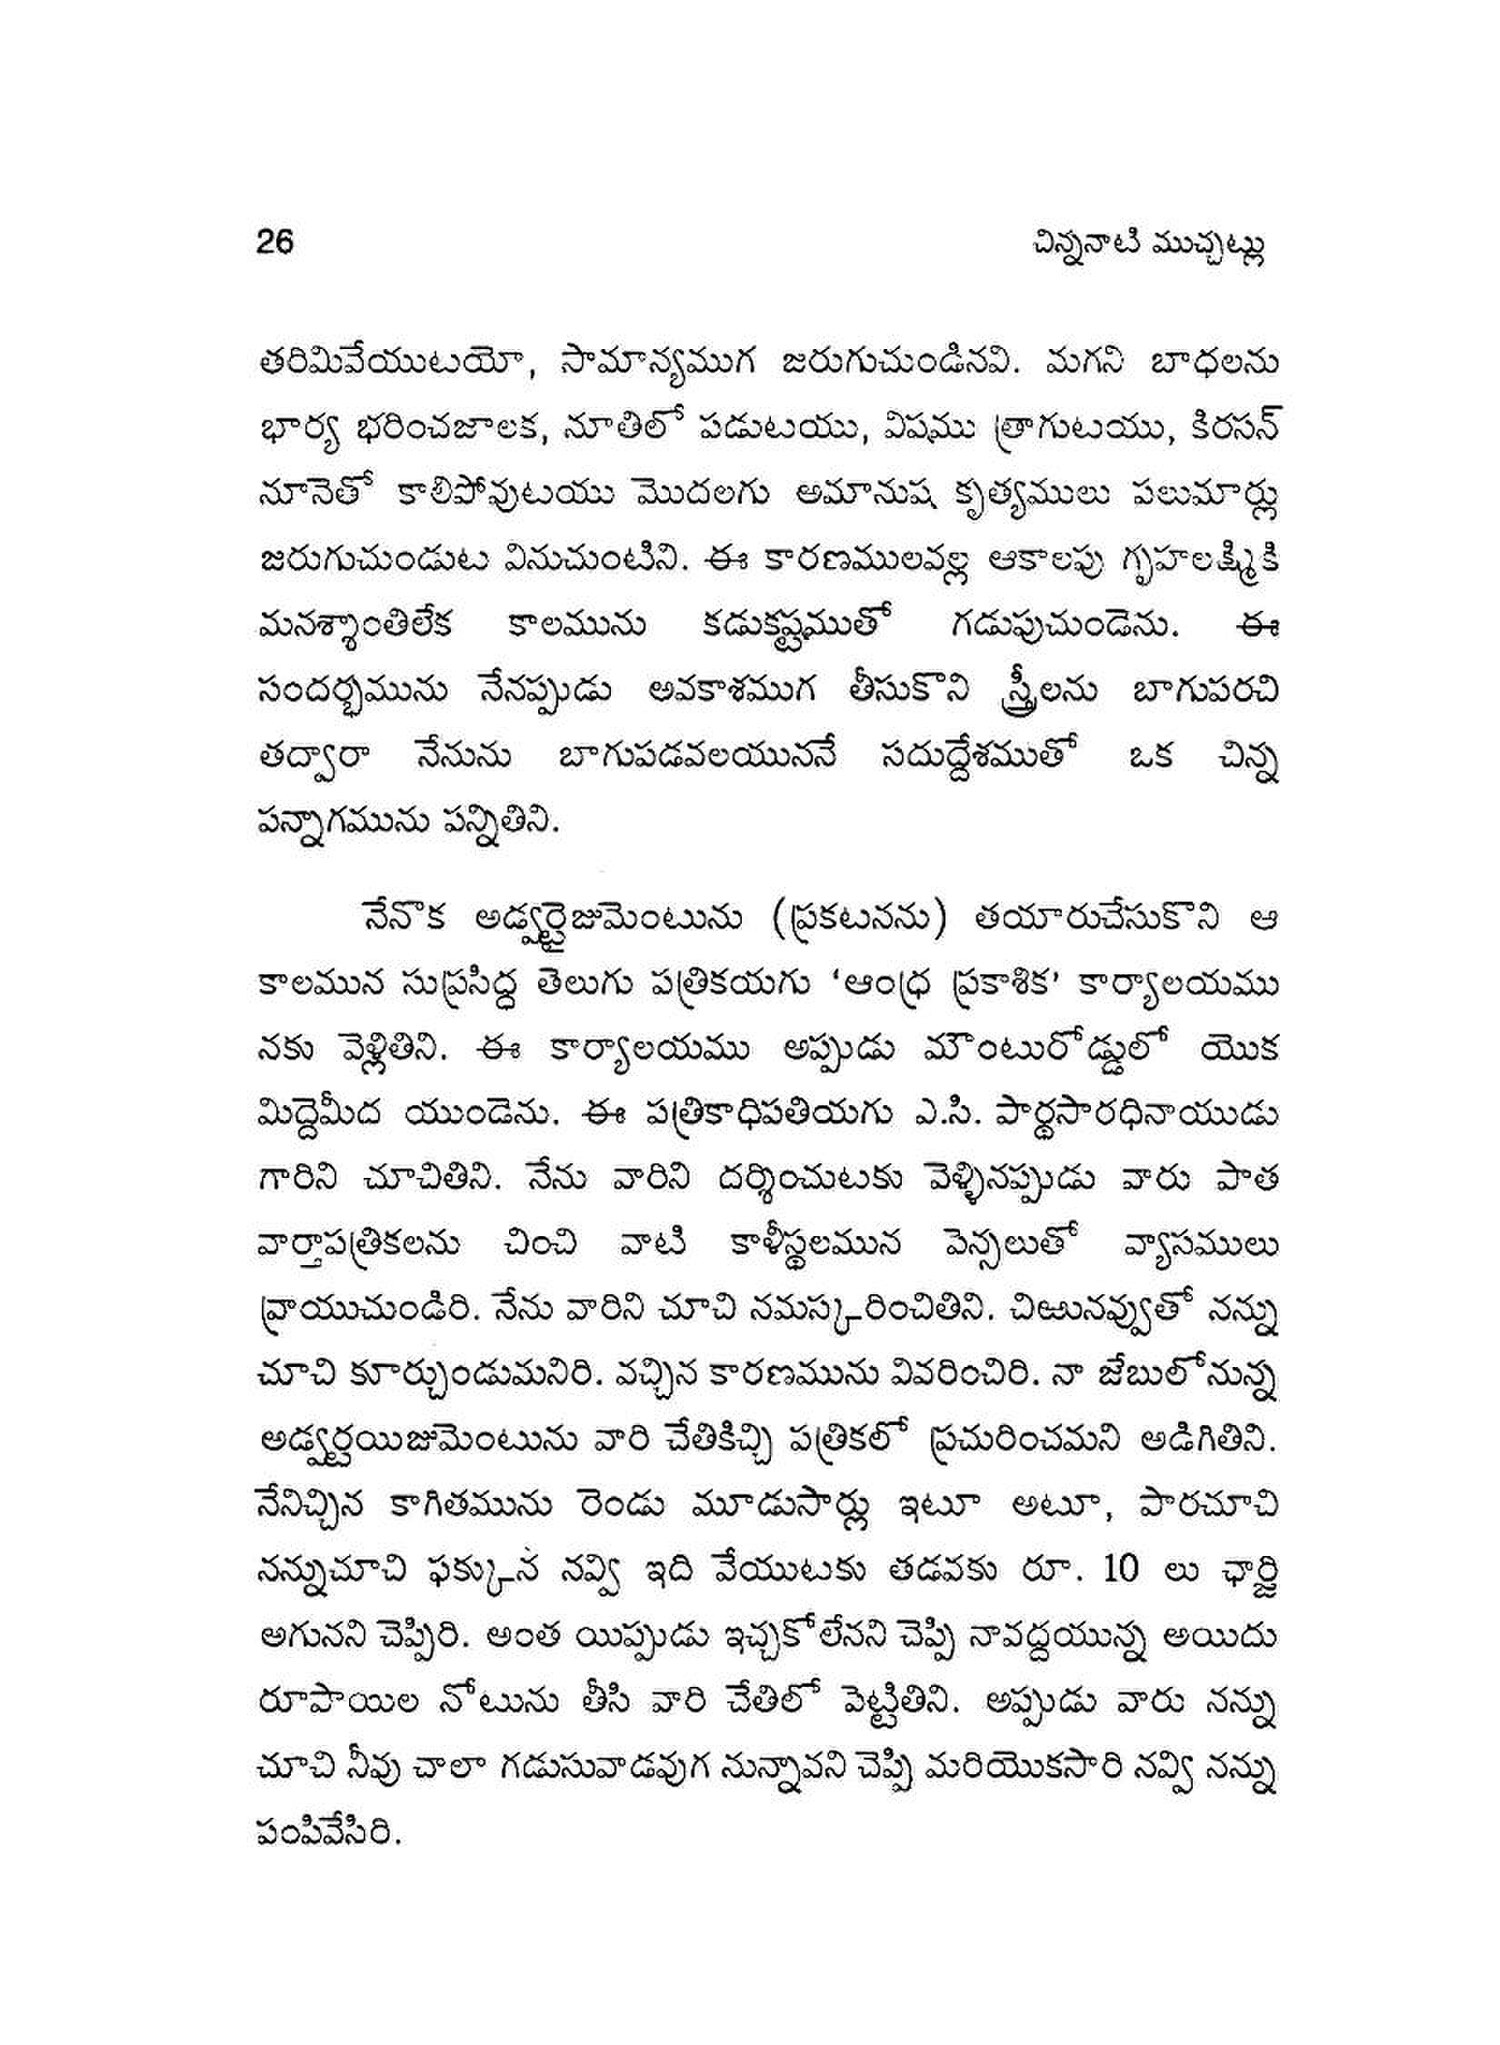తరిమివేయుటయో, సామాన్యముగ జరుగుచుండినవి. మగని బాధలను భార్య భరించజాలక, నూతిలో పడుటయు, విషము త్రాగుటయు, కిరసన్ నూనెతో కాలిపోవుటయు మొదలగు అమానుష కృత్యములు పలుమార్లు జరుగుచుండుట వినుచుంటిని. ఈ కారణములవల్ల ఆకాలపు గృహలక్ష్మికి మనశ్శాంతిలేక కాలమును కడుకష్టముతో గడుపుచుండెను. ఈ సందర్భమును నేనప్పుడు అవకాశముగ తీసుకొని స్త్రీలను బాగుపరచి తద్వారా నేనును బాగుపడవలయుననే సదుద్దేశముతో ఒక చిన్న పన్నాగమును పన్నితిని. 

నేనొక అడ్వర్టైజమెంటును (ప్రకటనను) తయారుచేసుకొని ఆ కాలమున సుప్రసిద్ధ తెలుగు పత్రికయగు 'ఆంధ్ర ప్రకాశిక' కార్యాలయమునకు వెళ్లితిని. ఈ కార్యాలయము అప్పడు మౌంటురోడ్డులో యొక మిద్దెమీద యుండెను. ఈ పత్రికాధిపతియగు ఎ.సి.పార్థసారధినాయుడు గారిని చూచితిని. నేను వారిని దర్శించుటకు వెళ్ళినప్పుడు వారు పాత వార్తాపత్రికలను చించి వాటి కాళీస్థలమున పెన్సలుతో వ్యాసములు వ్రాయుచుండిరి. నేను వారిని చూచి నమస్కరించితిని. చిఱునవ్వుతో నన్ను చూచి కూర్చుండుమనిరి. వచ్చిన కారణమును వివరించిరి. నా జేబులోనున్న అడ్వర్టయిజుమెంటును వారి చేతికిచ్చి పత్రికలో ప్రచురించమని అడిగితిని. నేనిచ్చిన కాగితమును రెండు మూడుసార్లు ఇటూ అటూ, పారచూచి నన్నుచూచి ఫక్కున నవ్వి ఇది వేయుటకు తడవకు రూ. 10 లు ఛార్జి అగునని చెప్పిరి. అంత యిప్పుడు ఇచ్చుకోలేనని చెప్పి నావద్దయున్న అయిదు రూపాయిల నోటును తీసి వారి చేతిలో పెట్టితిని. అప్పడు వారు నన్ను చూచి నీవు చాలా గడుసువాడవుగ నున్నావని చెప్పి మరియొకసారి నవ్వి నన్ను పంపివేసిరి.